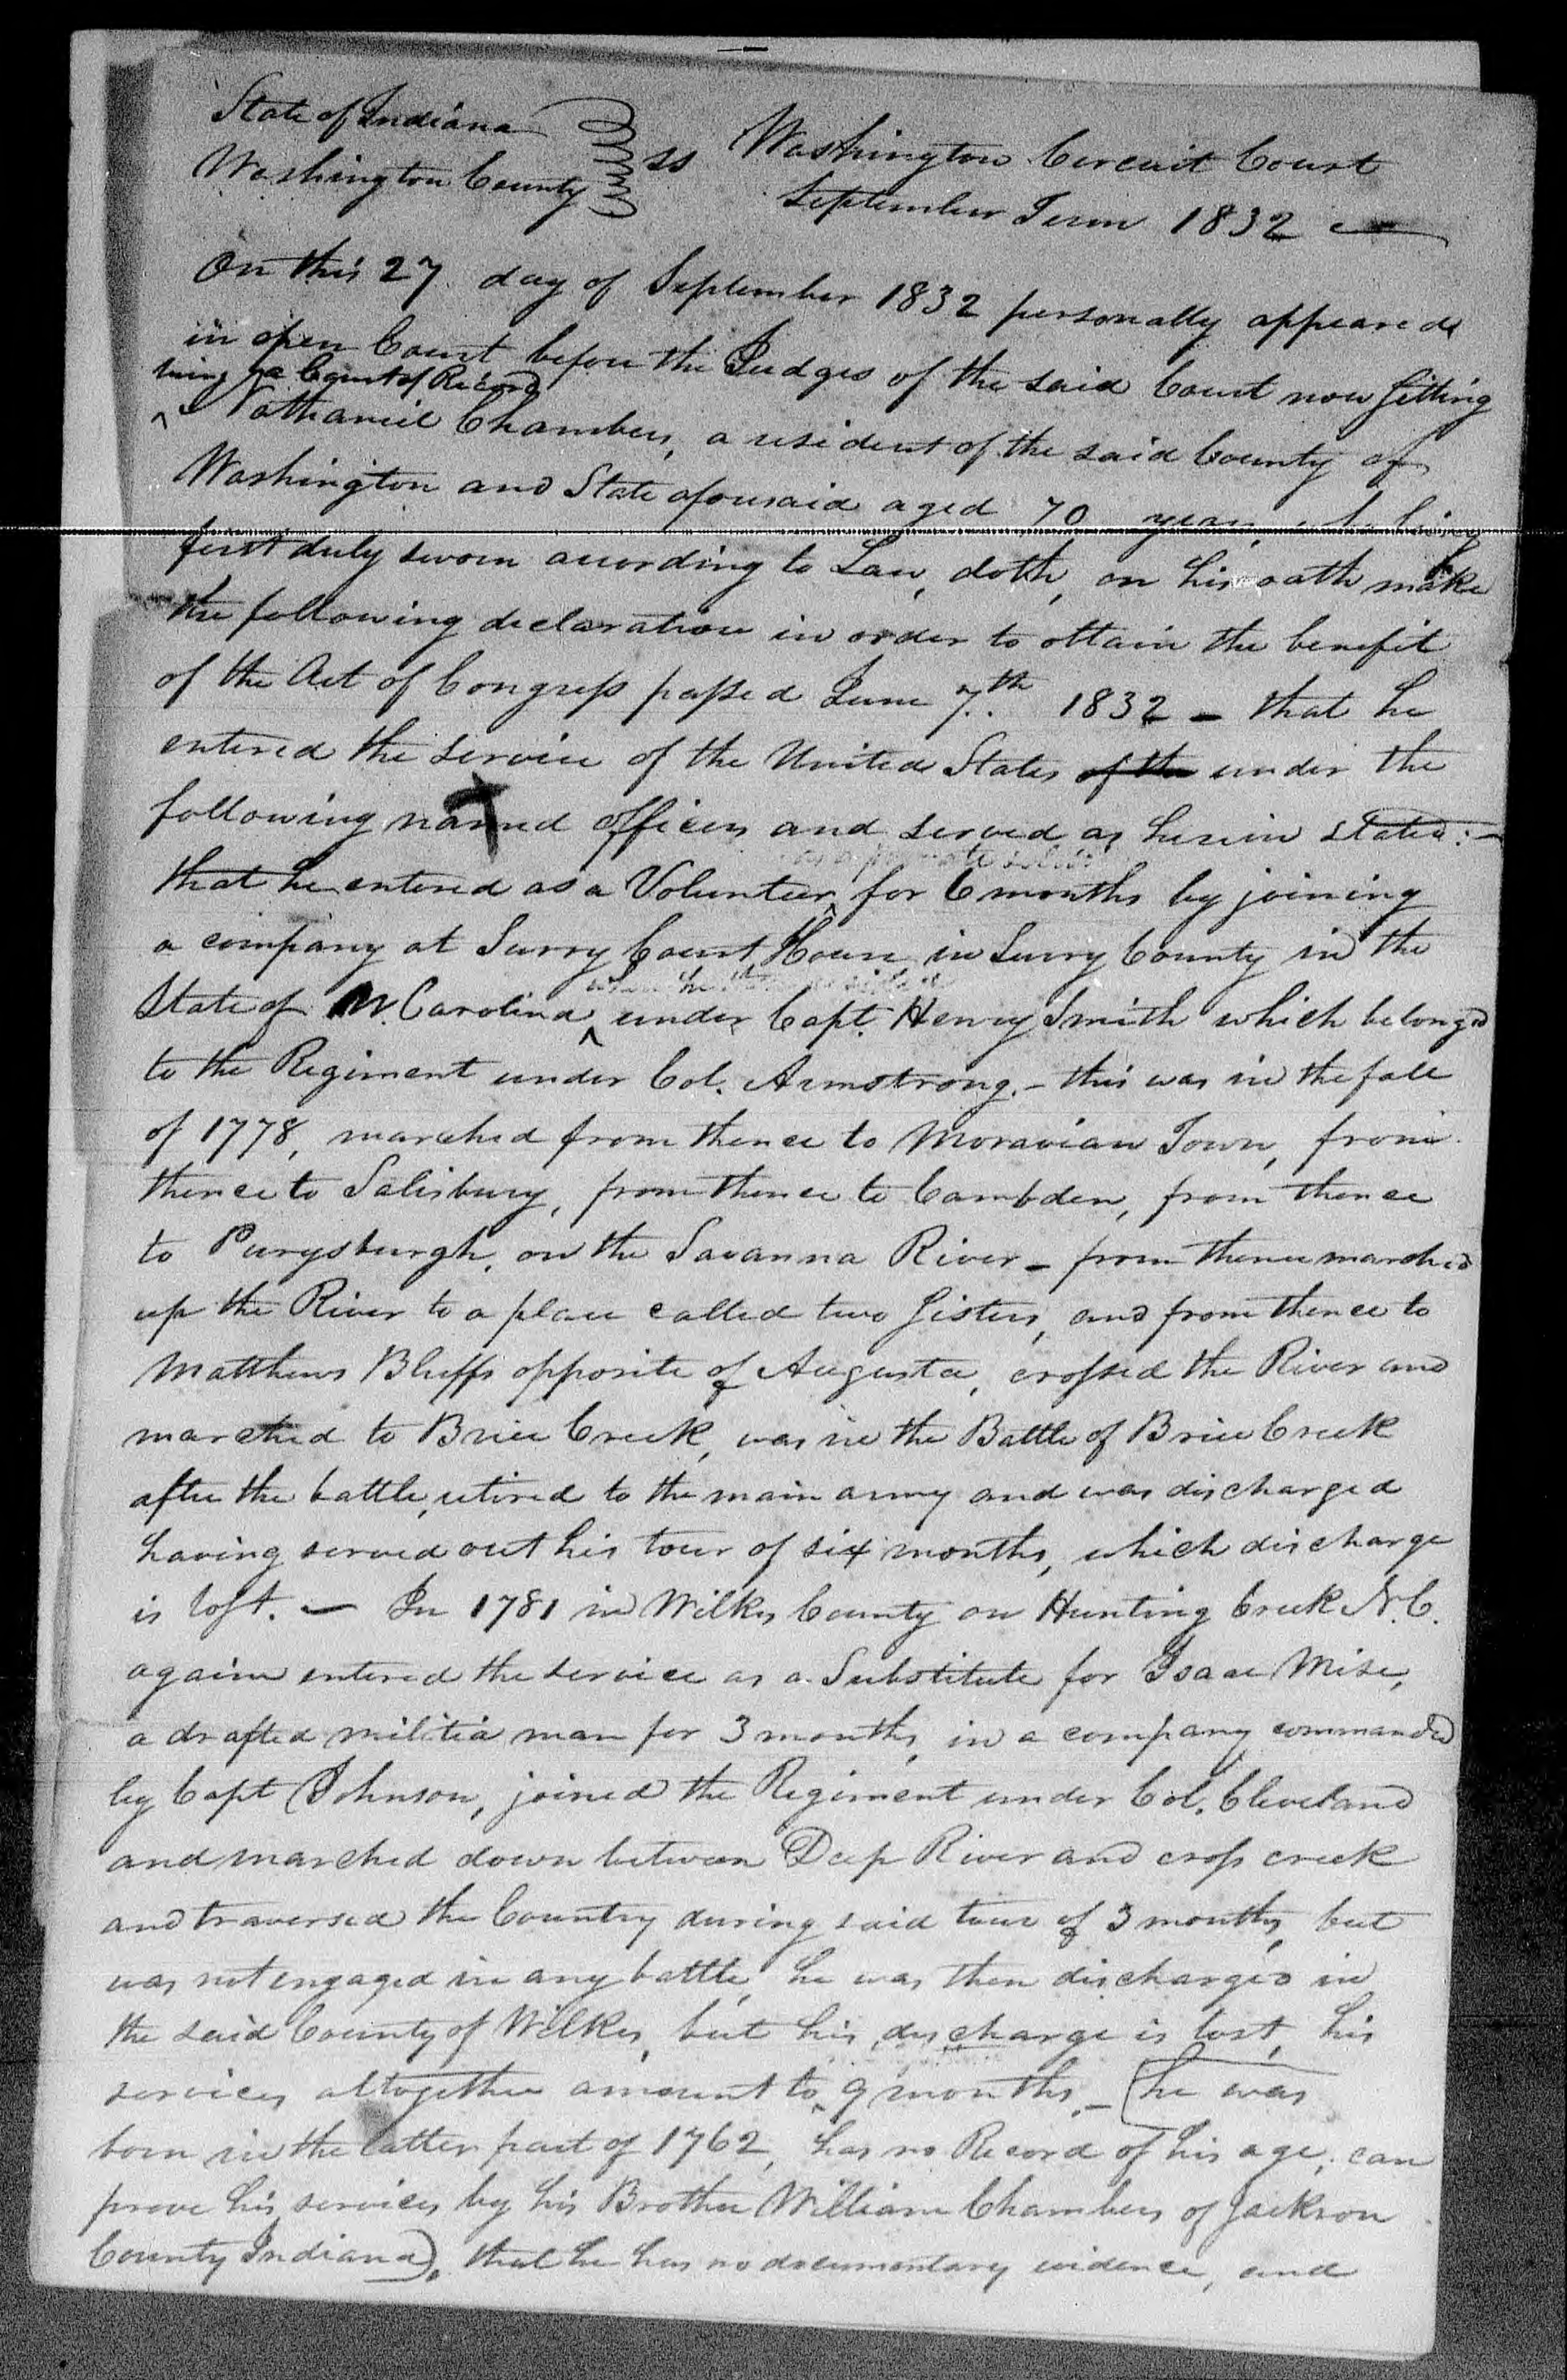State of Indiana
Washington County ⎬
Washington Circuit Court
September Term 1832
On this 27 day of September 1832 personally appeared in open Court before the Judges of the said Court now sitting having [illegible] of Record Nathan Chambers, a resident of the said County of
Washington and State aforesaid aged 70 years
first duly sworn according to Law doth on his oath make the following declaration in order to obtain the benefit of the Act of Congress passed June 7th 1832 - that he entered the service of the United States (of the - scratched out) the following named officers and served as herein stated: that he entered as a volunteer for 6 months by joining a company at Surry Court House in Surry County in the
State of N. Carolina (something erased) under Capt. Henry Smith which belonged
to the Regiment under Col. Armstrong. this was in the fall of 1778, marched from thence to Moravian Town, thence to Salisbury, from thence to Camden, from thence to Purrysburgh, on the Savanna River - from thence marched up the River to a place called two Sisters, and from thence to Matthews Bluff opposite of Augusta, crossed the River and marched to Brier Creek was in the Battle of Brice Creek after the battle, retired to the main army and was discharged having served out his tour of six months, which discharge is lost.- In 1781 in Wilkes County of Hunting Creek N.C. again entered the service as a substitute for Isaac Mise, a drafted militia man for 3 months in a company commanded by Capt. Johnson, joined the Regiment under Col. Cleveland and  marched down between Deep River and cross creek and traversed the Country during said tour of 3 months but was not engaged in any battle, he was then discharged in the said County of Wilkes, but his discharge is lost his services altogether amount to 9 months, (he was in the latter part of 1762, has no Record of his age; can prove his services by his Brother William Chambers of Jackson County Indiana), that he has no documentary evidence, and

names: William Chambers, Henry Smith, Armstrong, Cleveland, Nathaniel Chambers, Isaac Mise, Johnson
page: 4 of 13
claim: survivor's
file: S. 32,171, Nathaniel Chambers, N.C.